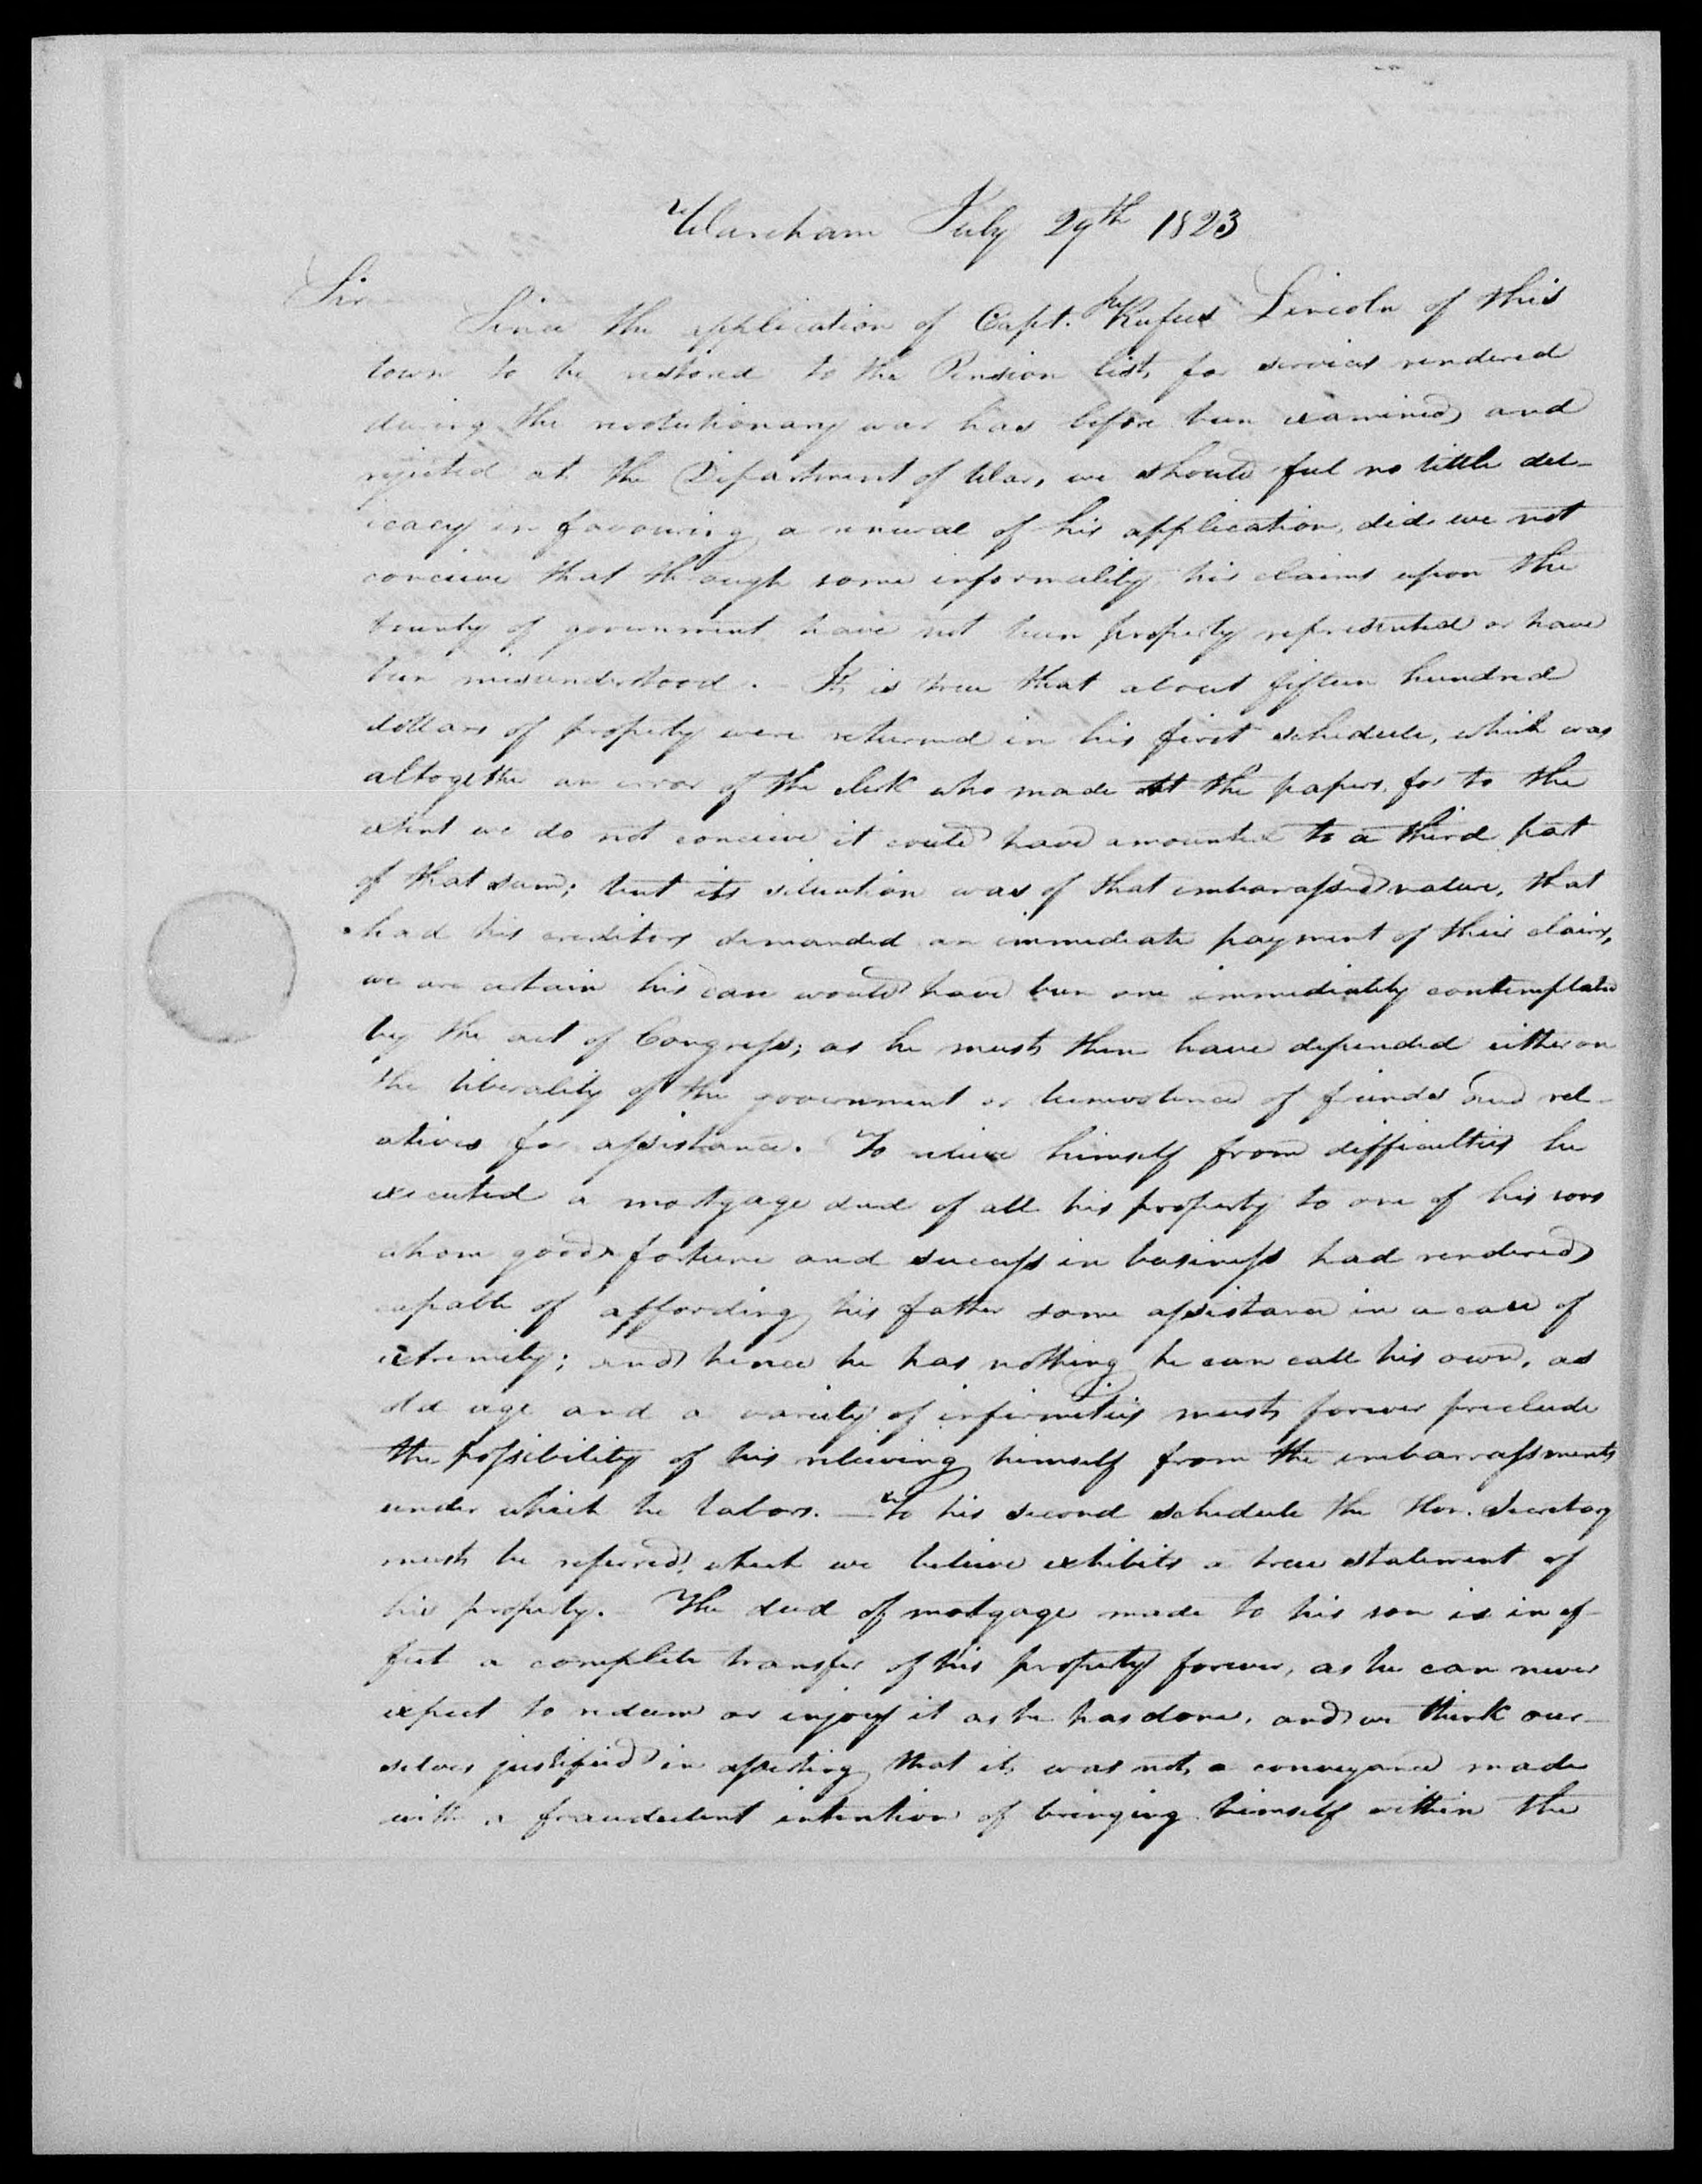Wareham       July 29th 1823
Sir
Since the application of Capt Rufus Lincoln of this town to be restored to the Pension list for services rendered during the revolutionary was as before been examined, and rejected at the Department of war, we should feel so little
delicacy in favoring a renewal of his application, did we not conceive that though some informality his claims upon the County of government have not been properly represented or have been misunderstood. It is true that about fifteen hundred dollars of property were returned in his first schedule, which was altogether an error of the clerk who made at the papers, for to the about we do not conceive it could have amounted to a third part of that sum; but it situation was of that embarrassed nature, that had his creditors demanded an immediate payment of their claim we are certain his case would have been one immediately contemplated by the act of Congress, as he must then have depended either on the liberally of the government or benevolence of funds and relatives for assistance. To relive himself from difficulties he
executed a mortgage deed of all his property to one of his sons whom good fortunes and success in business had rendered capable of affording his father some assistance in a case of
charity; and hence he has nothing he can call his own, as old age and a variety of infirmities must forever preclude the possibility of his relieving himself from the embarrassments
under which he labors --To his second schedule the Hon. Secretary must be referred, which we believe exhibit a true statement of his property. The deed of mortgage made to his son is in official a complete transfer of his property forever, as he can never expect to redeem or enjoy it as he has done, and we think our
selves justified in affecting that it was not a conveyance made with fraudulent intention of bringing himself within the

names: Rufus Lincoln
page: 39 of 82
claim: widow's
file: W. 13,634, for Rufus Lincoln, Massachusetts